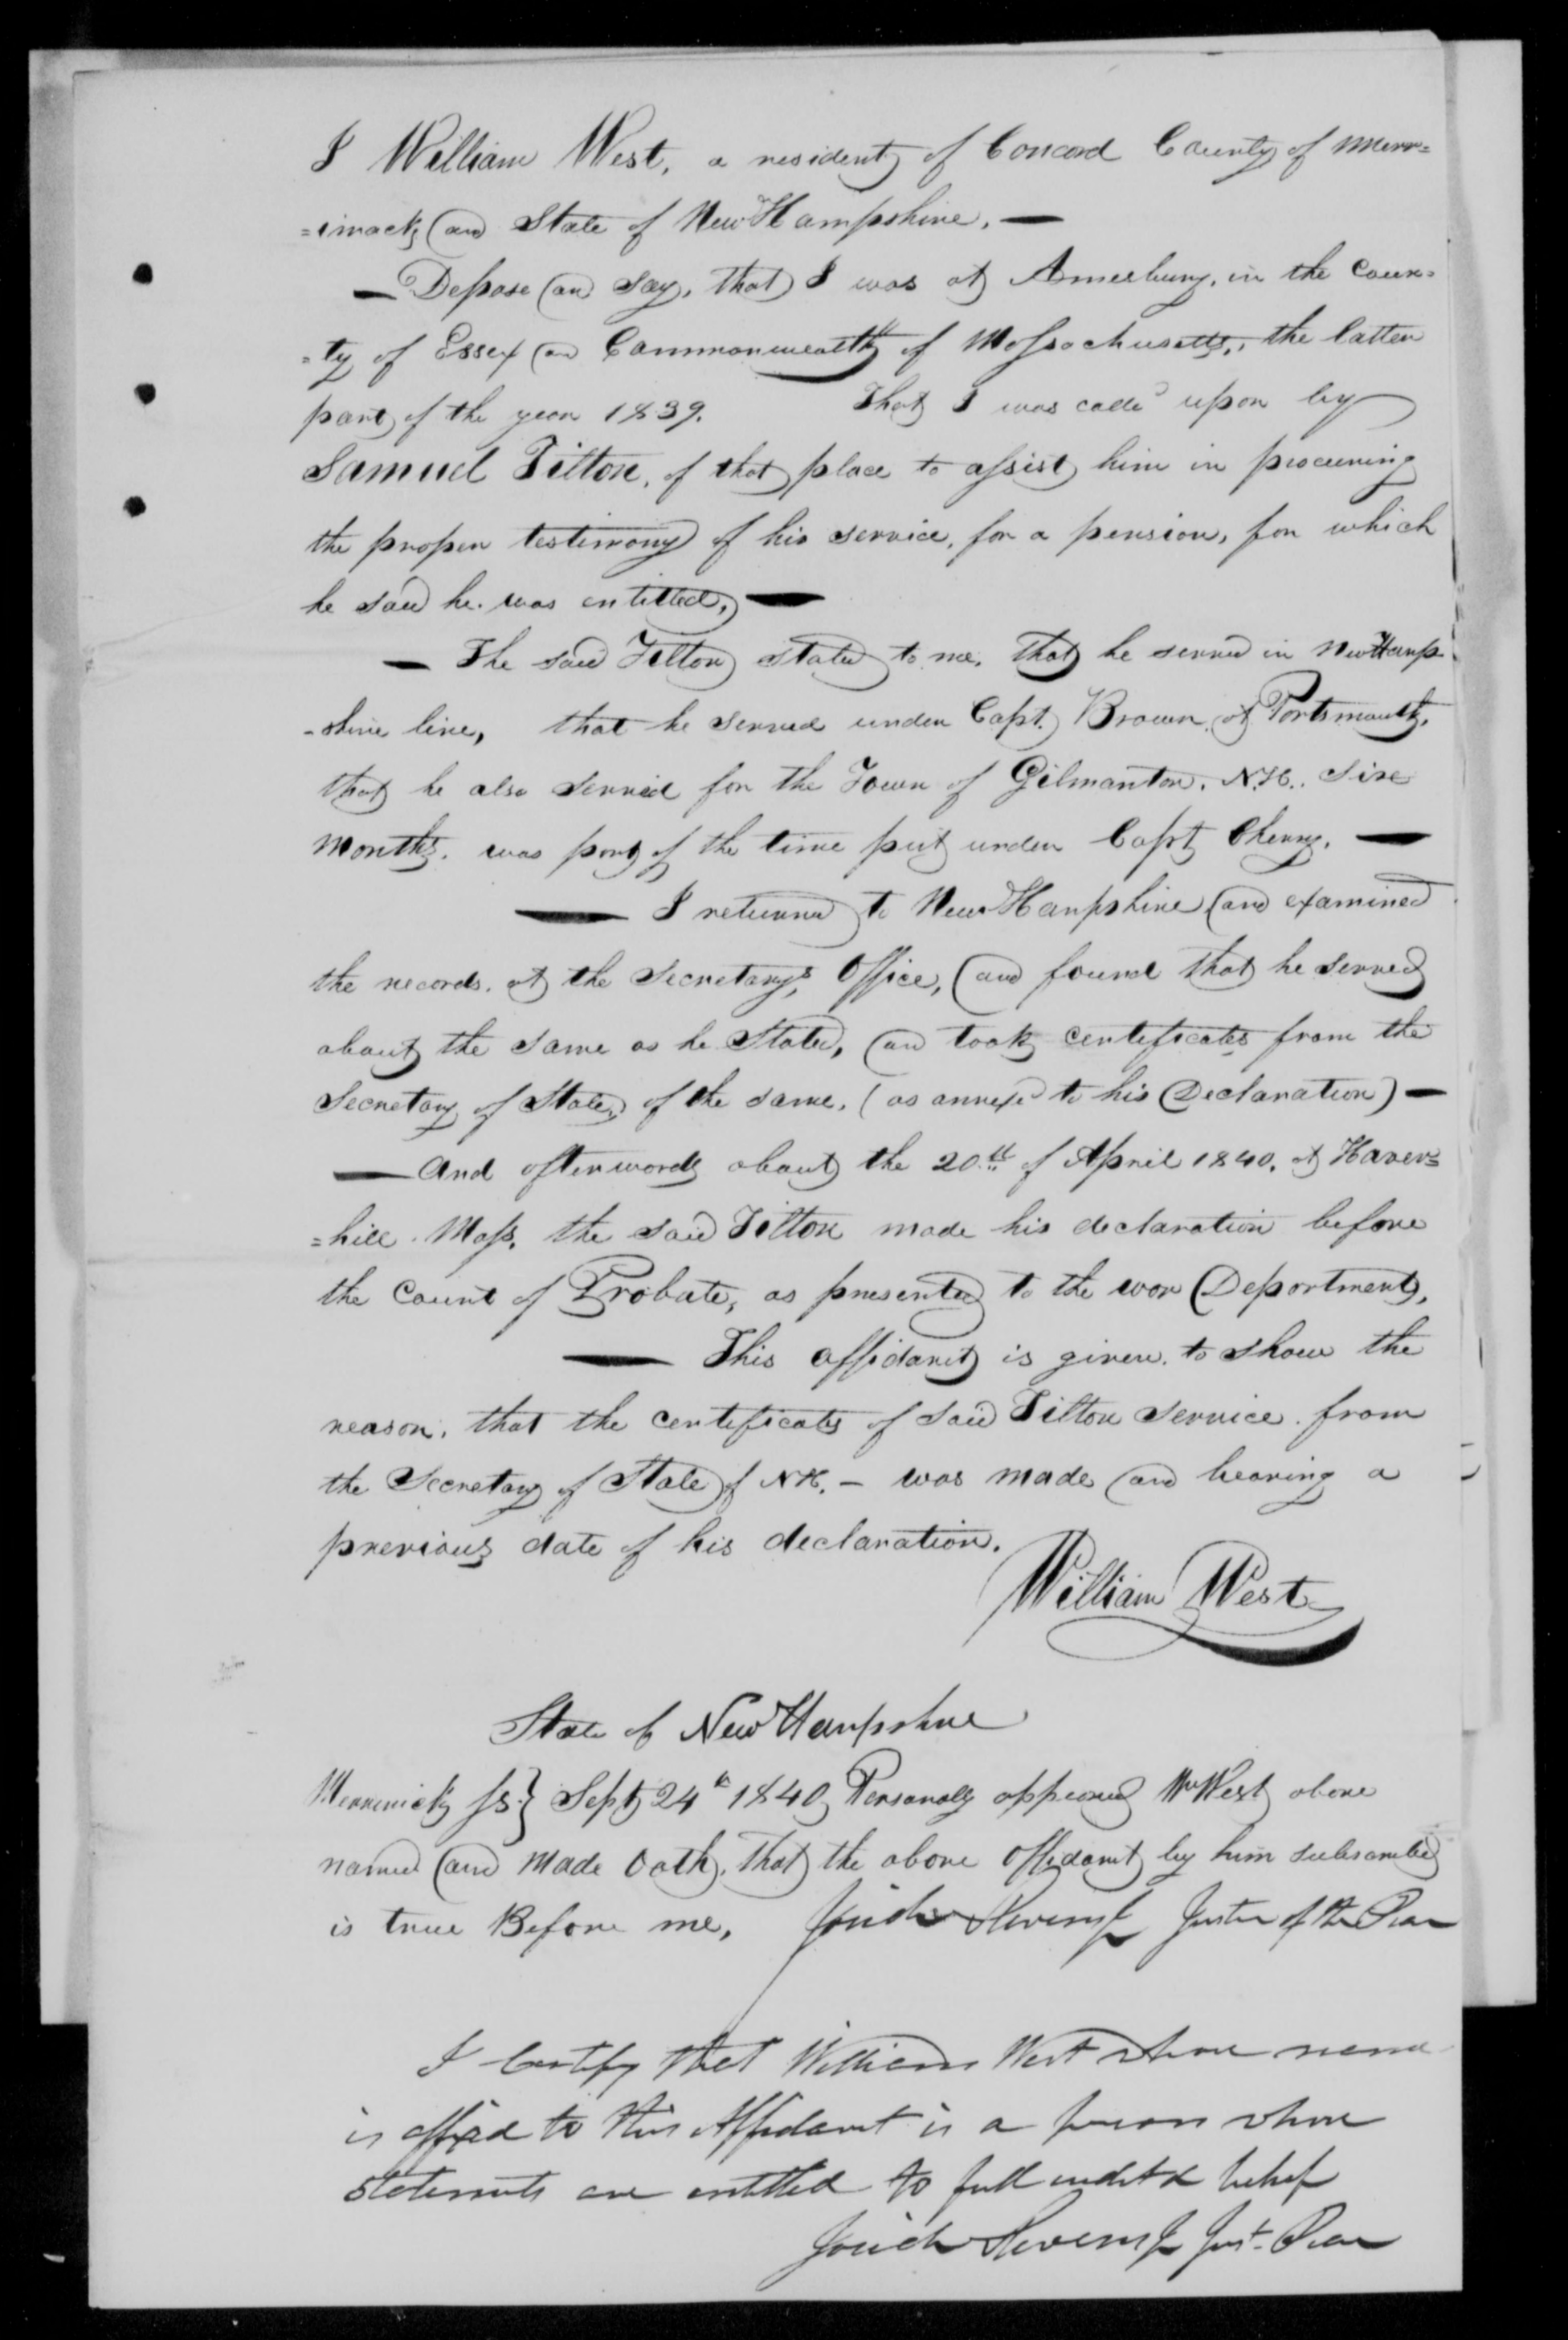I William West, a resident of Concord County of Merrimack and State of New Hampshire,
Depose and say, that I was at Amesbury in the County of Essex and Commonwealth of Massachusetts, the latter
part of the year 1839.
That I was called upon by Samuel Tilton, of that place to assist him in procuring the proper testimony of his service, for a pension, for which he said he was entitled.
The said Tilton stated to me, that he served in New Hampshire line, that he served under Capt. Brown of Portsmouth, that he also served for the Town of Gilmanton, N.H. Six months was part of the time put under Capt Cherry.
I returned to New Hampshire and examined the records of the Secretary's Office, and found that he served about the same as he Stated, and took certificates from the Secretary of State, of the same, (as annexed to his Declaration)
And afterwards about the 20th of April 1840 at Haverhill Mass the said Tilton made his declaration before the Court of Probate, as presented to the war Department.
This affidavit is given to show the reason that the  certificate of said Tilton service from the Secretary of State of N. H. was made and bearing a previous date of his declaration.
William West

State of New Hampshire
Merrimack SS Sept 24th 1840 Personally appeared Wm West above named and made oath that the above affidavit by him subscribed is true Before me,
Josiah Stevens Justice of the Peace

I certify that William West whose name is affixed to this Affidavit is a person whose statements are entitled to full credit & belief
Josiah Stevens Just Peace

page: 44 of 55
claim: widow's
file: W. 14,021, for Samuel Tilton, New Hampshire